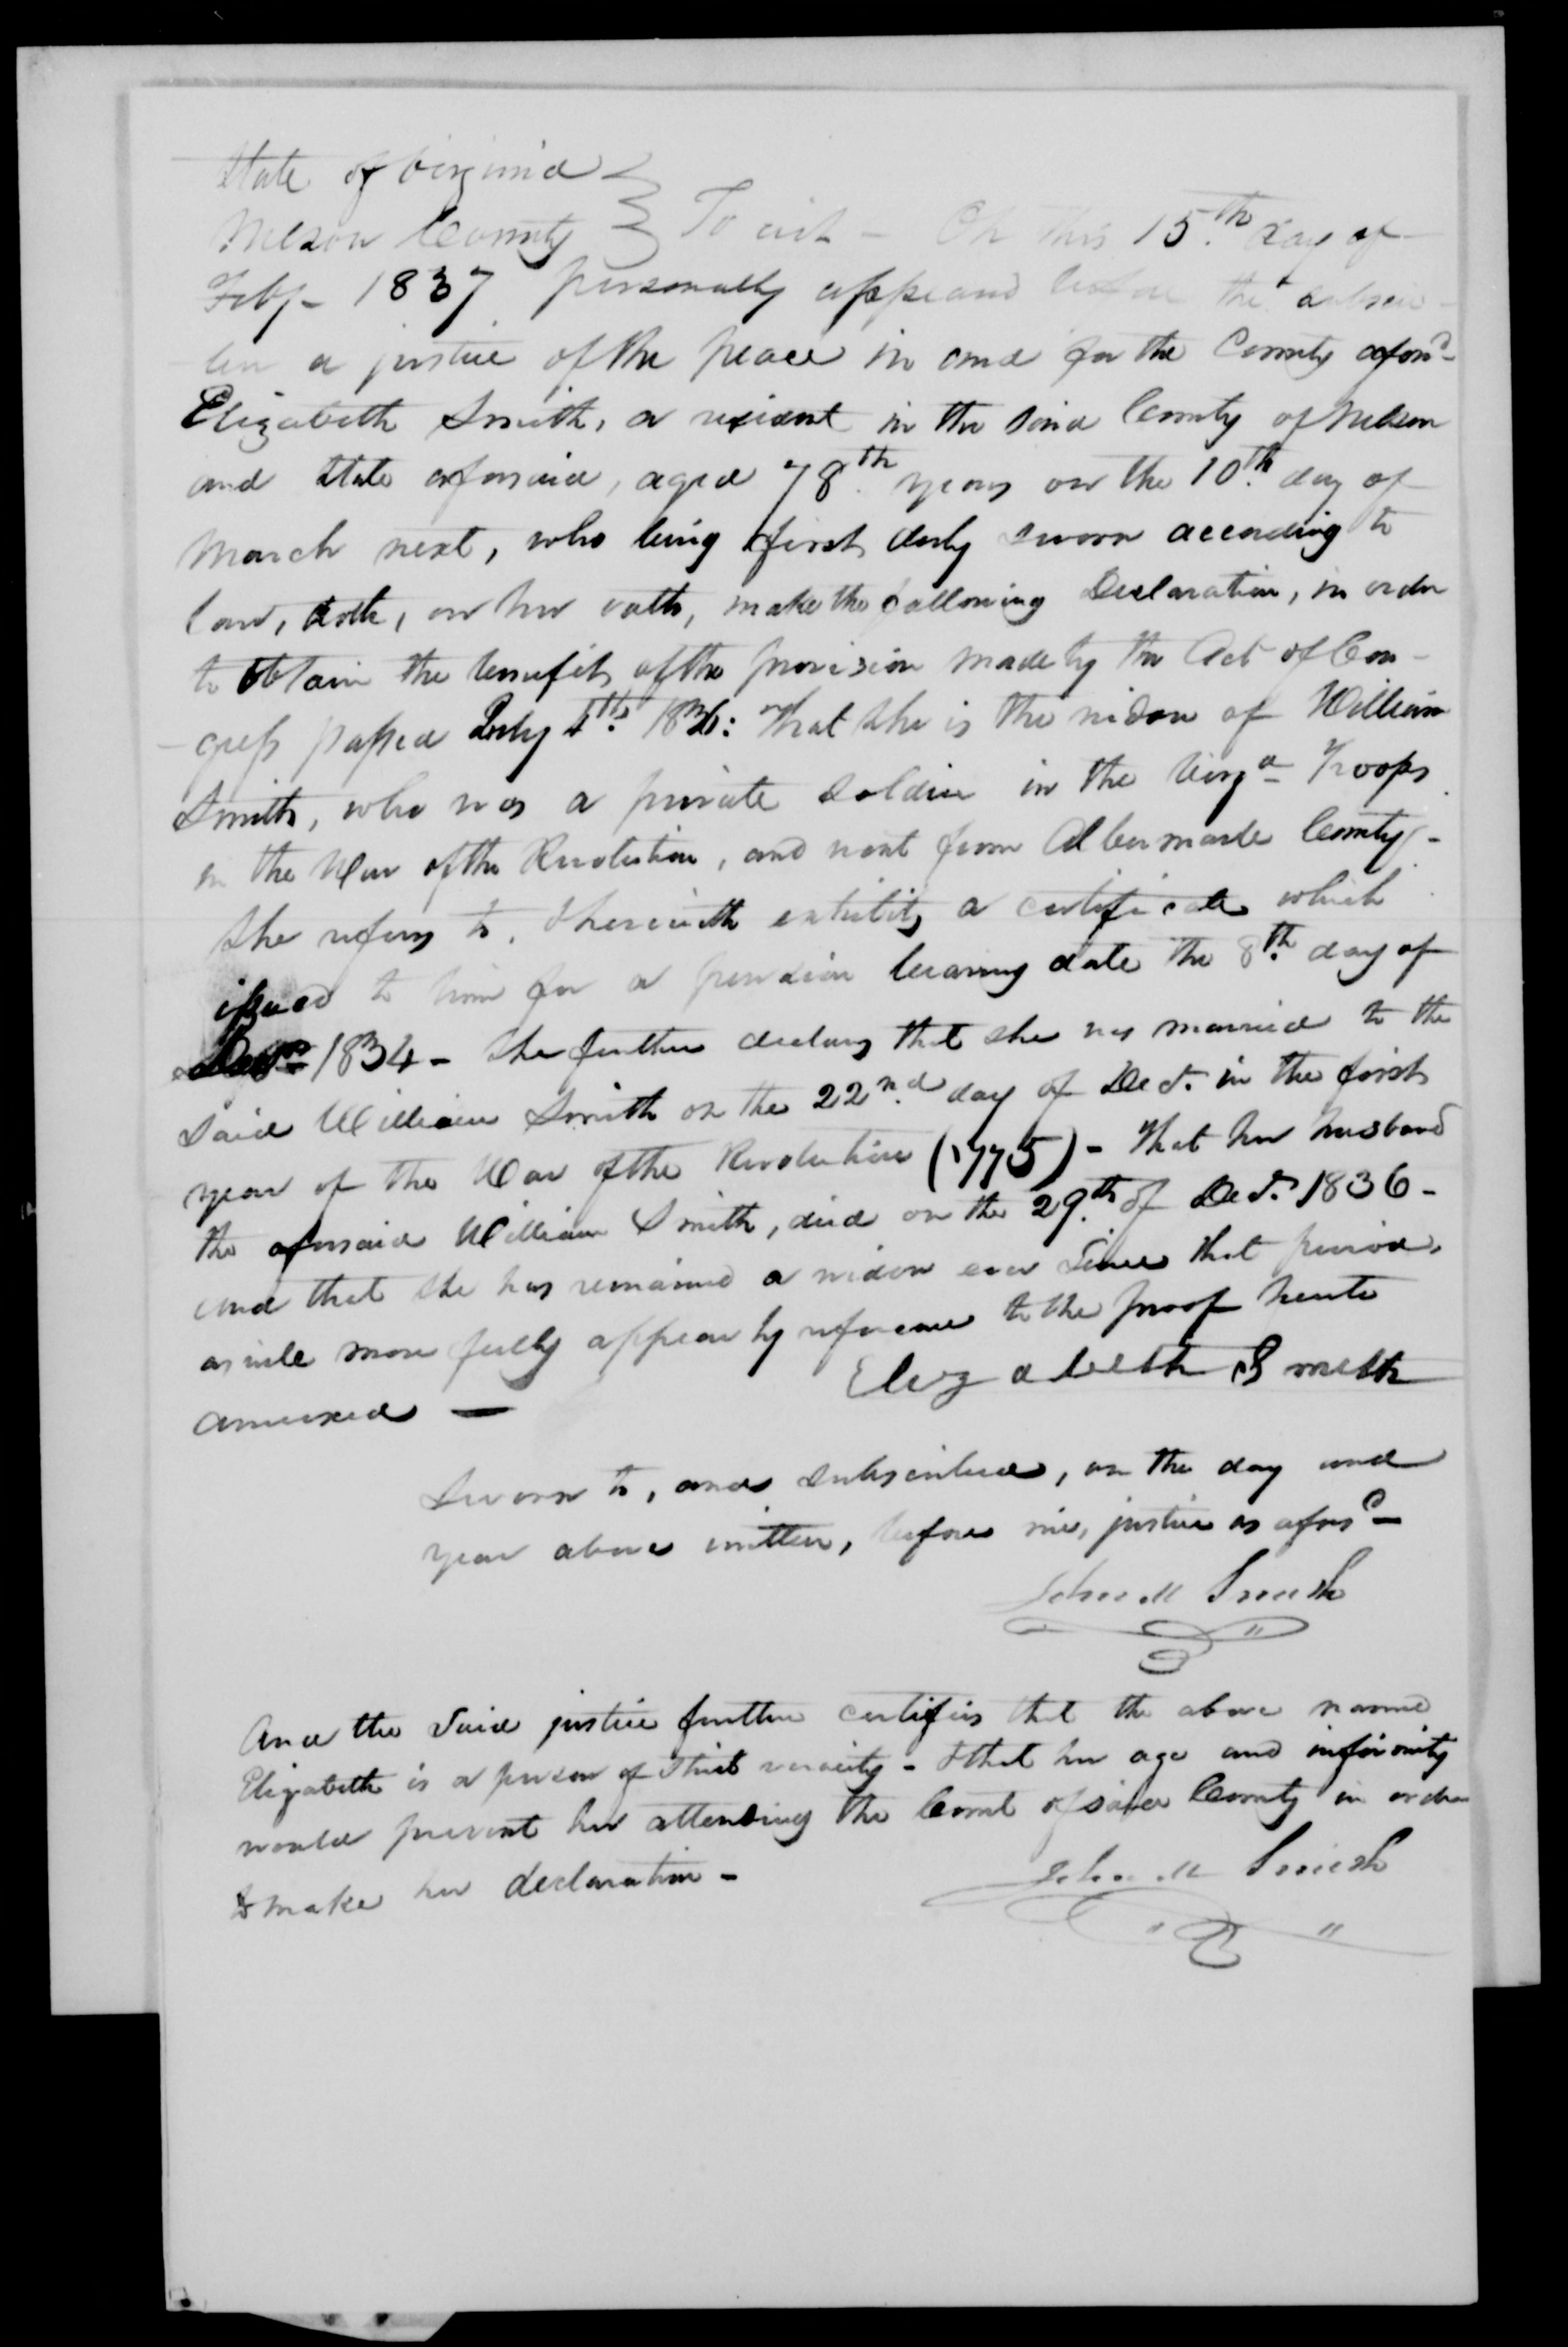State of Virginia
Nelson County} To wit - On this 15th day of Feby 1837 personally appeared before the subscriber a justice of the peace in and for the County aforesd Elizabeth Smith, a resident in the said County of Nelson and State aforesaid, aged 78th years on the 10th day of March next, who being first duly sworn according to law, doth, on her oath, make the following Declaration, in order to obtain the benefit of the provision made by the Act of Congress passed July 4th. 1836: That she is the widow of William Smith, who was a private soldier in the Virga Troops in the War of the Revolution, and went from Albemarle County. 
She refers to, & herewith exhibits a certificate which issued to him for a pension bearing date the 8th. day of [illegible] 1834 - She further declares that she was married to the Said William Smith on the 22nd day of Decr. in the first year of the War of the Revolution (1775) - That her husband the aforesaid William Smith, died on the 29th of Decr. 1836 - and that she has remained a widow ever Since that period, as will more fully appear by reference to the proof hereto annexed - Elizabeth Smith
Sworn to, and subscribed, on the day and
year above written, before me, justice as aforesd -
John M Smith

And the Said justice further certifies that the above named Elizabeth is a person of strict veracity - That her age and infirmity would prevent her attending the Court of said County in order to make her declaration - John M Smith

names: William Smith; Elizabeth [BLANK]; John M Smith; William Smith; William Smith; John M Smith; Elizabeth Smith; Elizabeth Smith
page: 8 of 22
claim: widow's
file: W. 4,806, for William Smith, Virginia